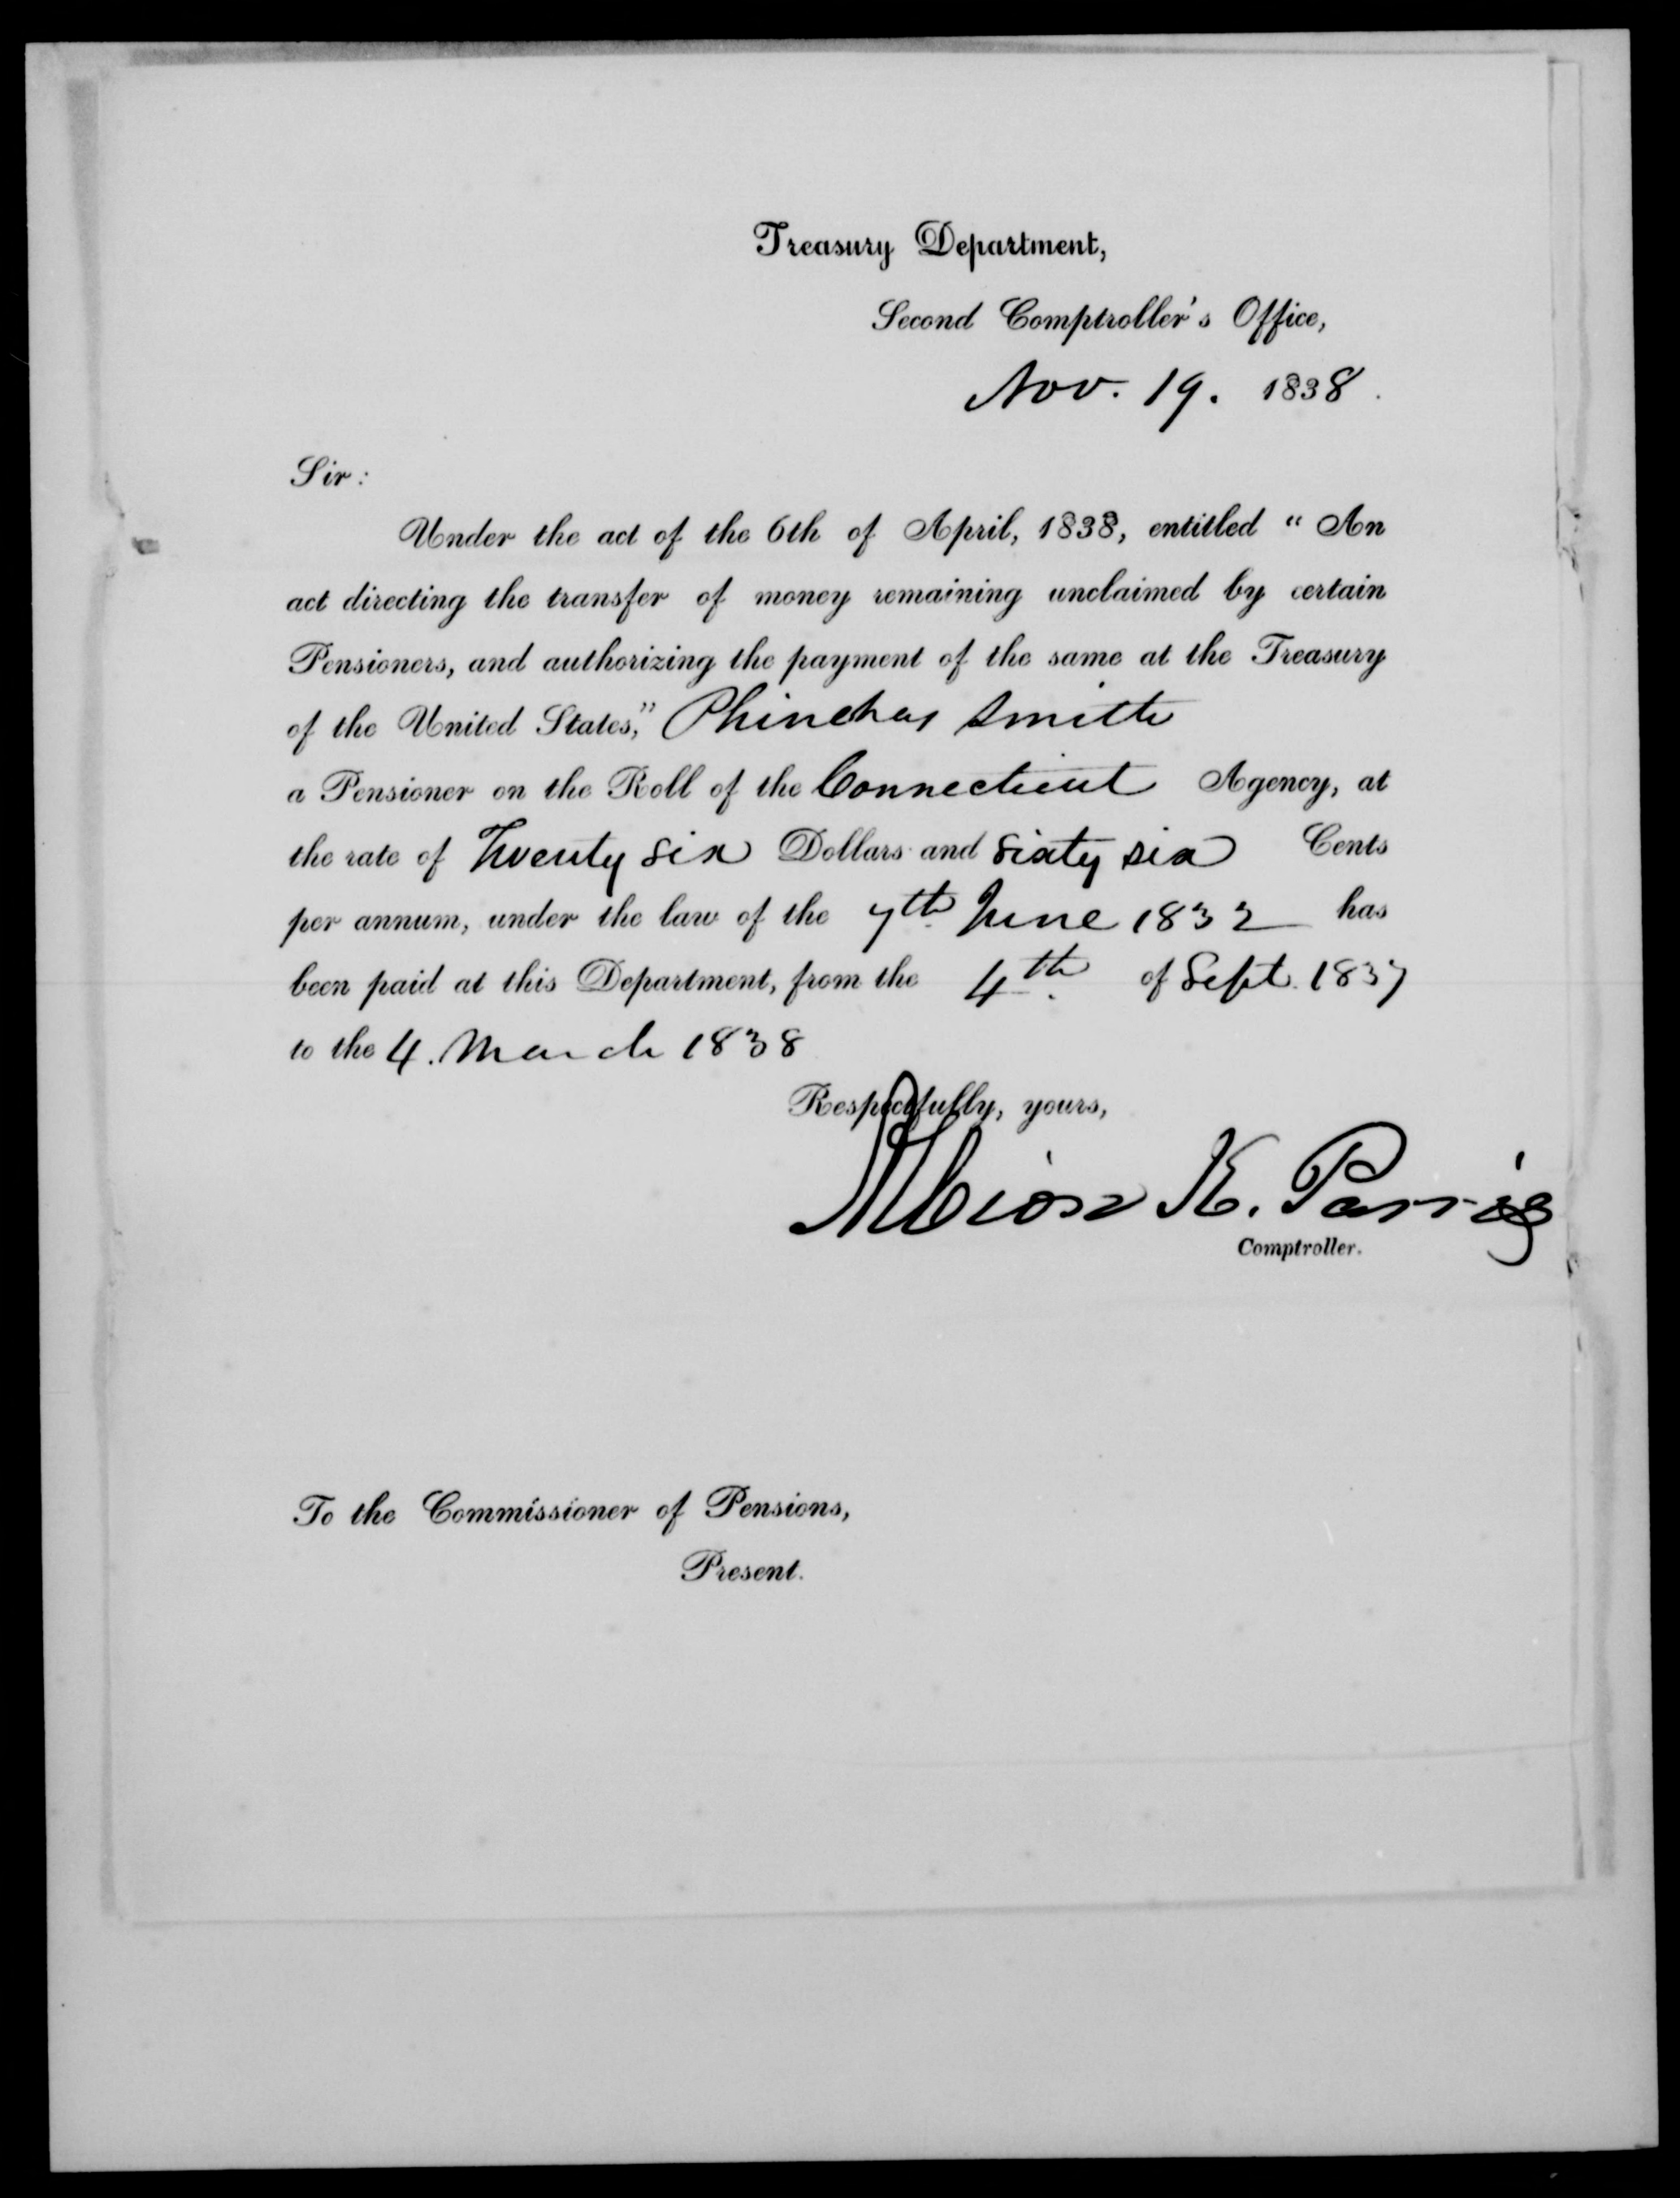Treasury Department, 
Second Comptroller's Office 
Nov. 19. 1838 
Sir:
Under the act of the 6th of April, 1838, entitled "An act directing the transfer of money remaining unclaimed by certain Pensioners, and authorizing the payment of the same at the Treasury of the United States," Phinehas Smith a Pensioner on the Roll of the Connecticut Agency, at the rate of Twenty six Dollars and sixty six Cents per annum, under the law of the 7th June 1832 has been paid at this Department, from the 4th of Sept. 1837 to the 4 March 1838.  
Respectfully Yours,
Albion K. Parris Comptroller.  
To the Commissioner of Pensions Present..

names: Phinehas Smith; Albion K Parris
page: 30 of 55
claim: widow's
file: W. 11480, for Phinehas Smith, Connecticut